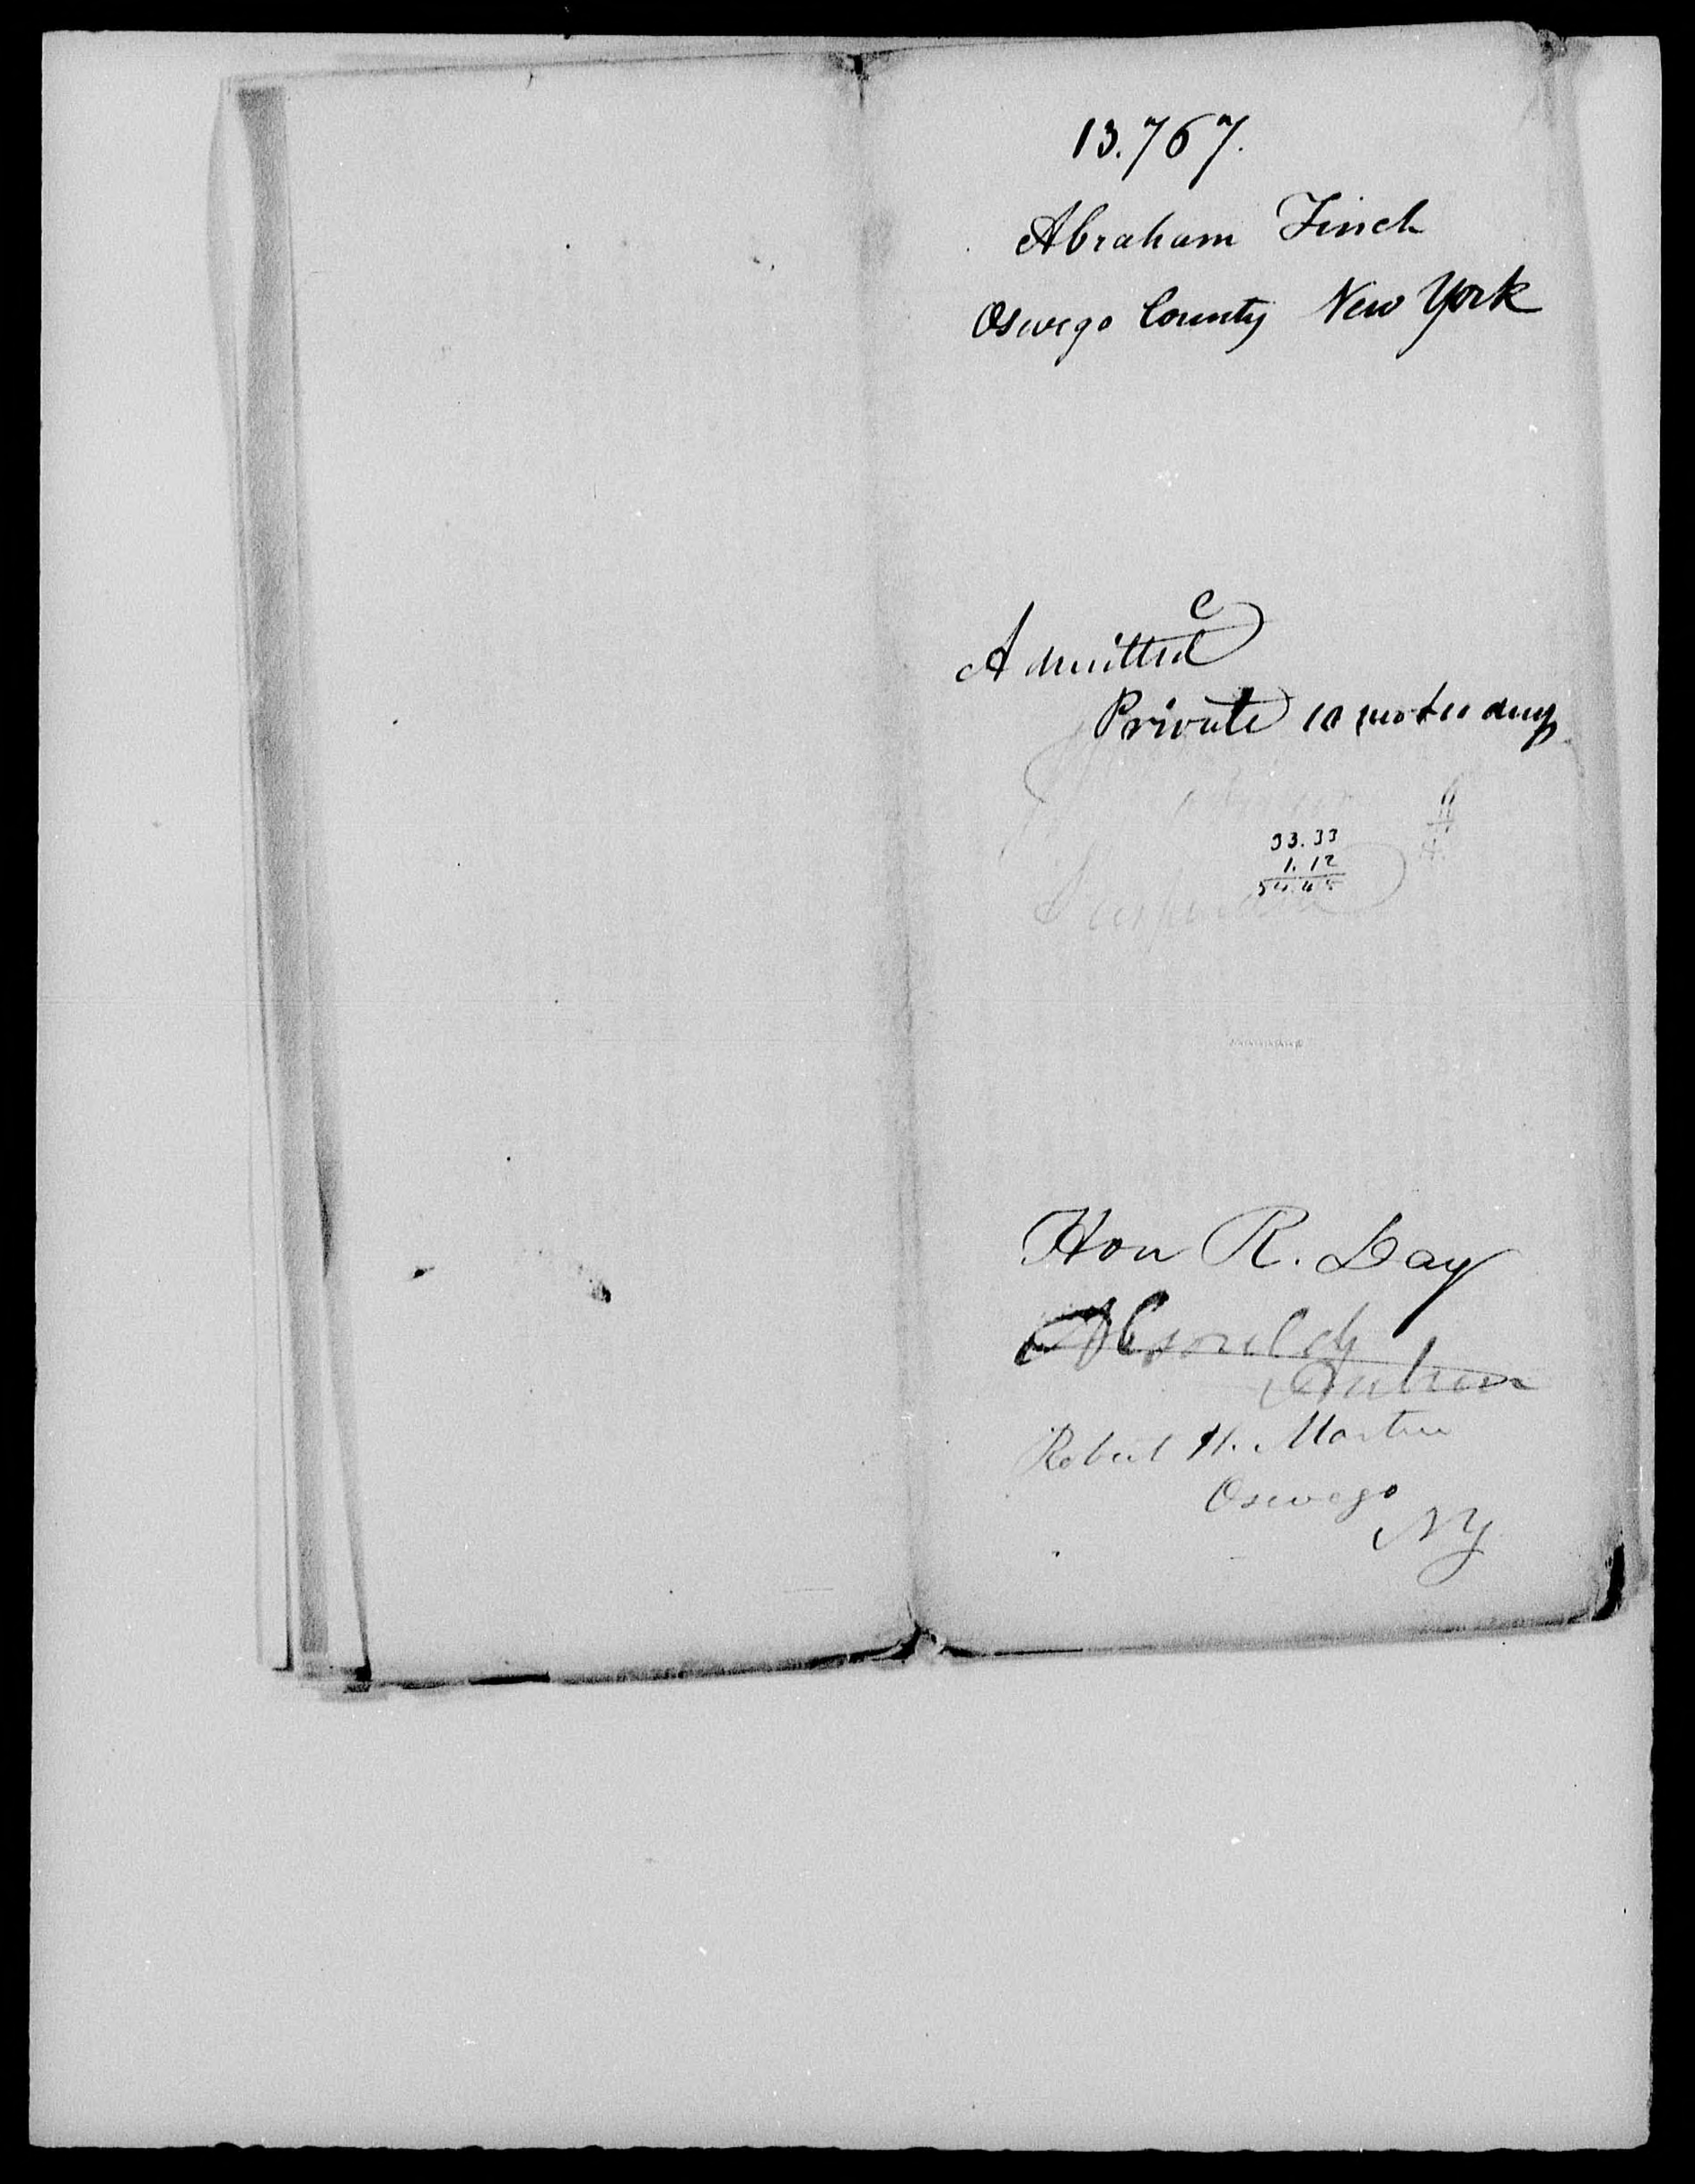13.767.
Abraham Finch
Oswego County New York

Admitted
Private 10 quoted day

53. 33
 1.12
45.65
Hon R. Day
Alsould Auburn
Robert H. Martin
Oswego
NY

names: Robert H Martin, R Day, Abraham Finch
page: 8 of 35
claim: survivor's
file: S. 28727, Abraham Finch, Conn.